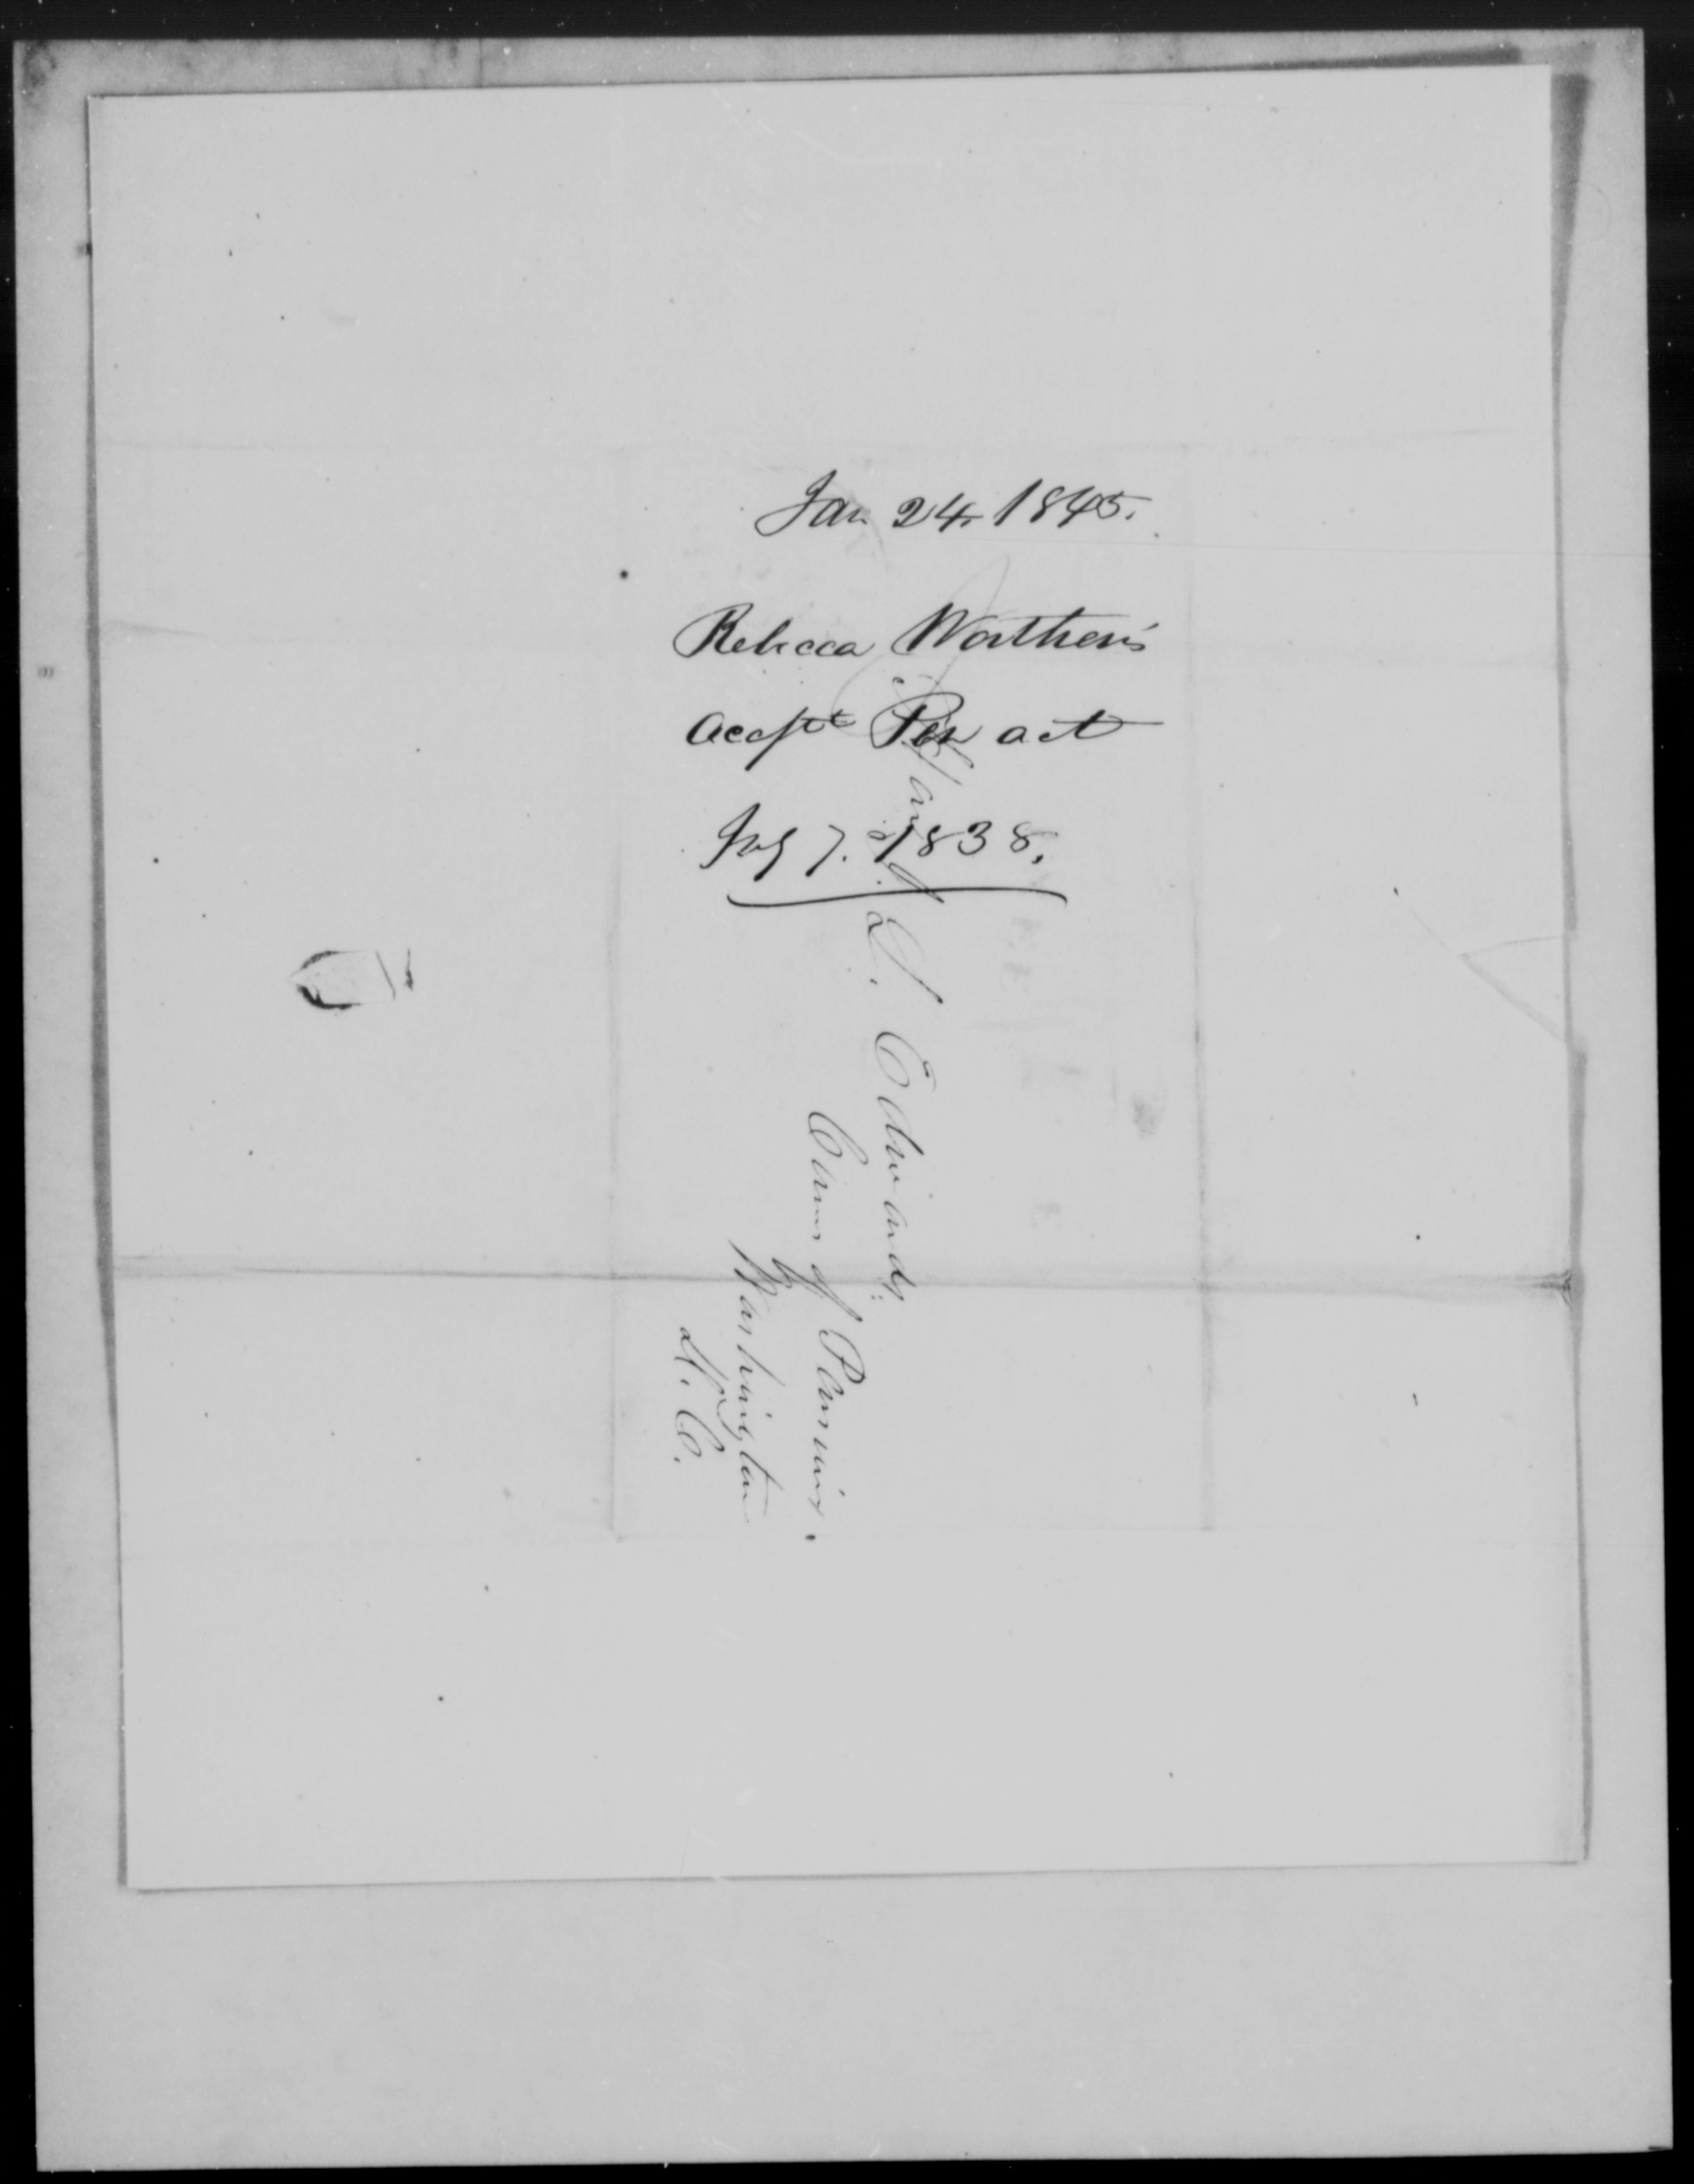Jan 24. 1845.
Rebecca Worthen's [sic]
accept Pen act
Jay 7. 1838.
J. L. Edwards
Comr of Pensions
Washington
D. C.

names: J L Edwards, Rebecca Worther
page: 58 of 77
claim: widow's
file: W. 19658, John Woodin, New York